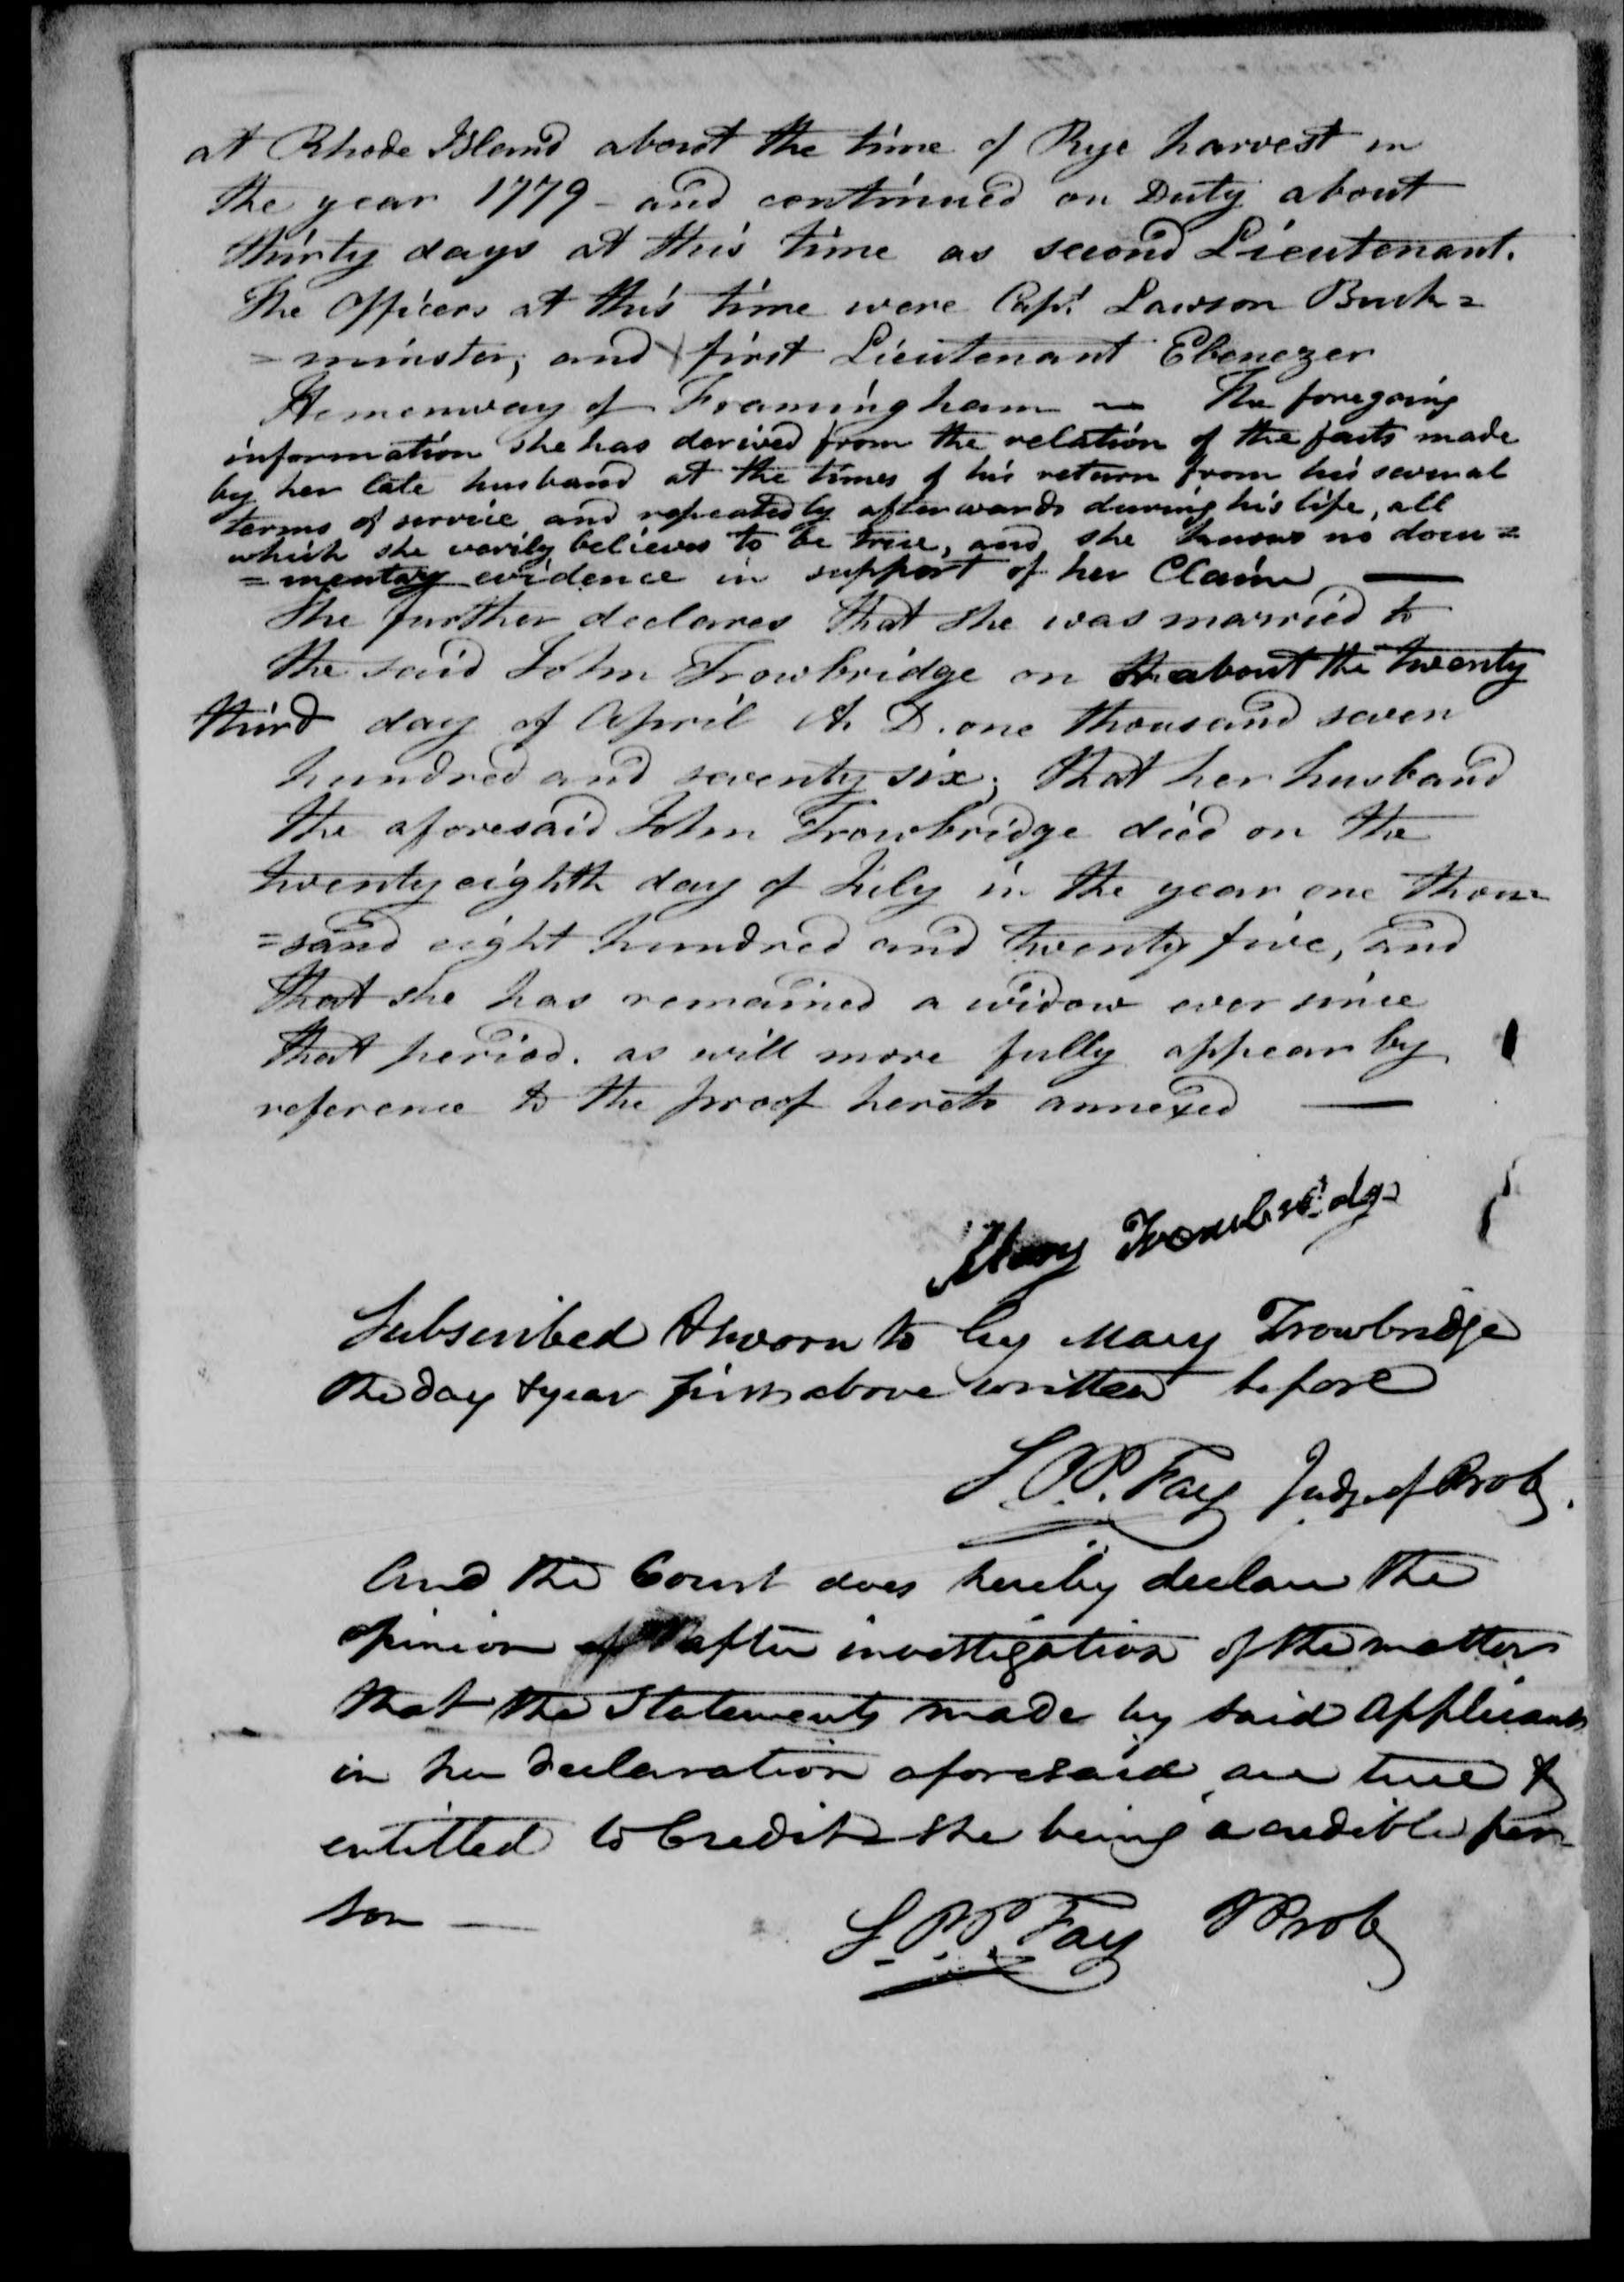at Rhode Island about the time of Rye harvest in
the year 1779 - and continued on Duty about
thirty days at this time as second Lieutenant.
The Officers at this time were Capt Lawson Buck
minster, and first Lieutenant Ebenezer
Hemenway of Framingham The foregoing
information she has derived from the relation of the facts made
her late husband at the times of his return from his several terms of service and repeatedly afterwards during his life, all
which she verily believes to be true, and she knows no documentary evidence in support of her claim, 
She further declares that she was married to
the said John Trowbridge on about the twenty third day of April A.D. one thousand seven
hundred and seventy six; that her husband
the aforesaid John Trowbridge died on the
twenty eighth day of July in the year one thousand eight hundred and twenty five, and
that she has remained a widow ever since
that period, as will more fully appear by
reference to the proof hereto annexed
---
Mary Trowbridge

Subscribed sworn to by Mary Trowbridge
the day & year first above written before
S.P.P. Pay Judge of Prob.
And the Court does hereby declare the
opinion after investigation of the matter
that the statements made by said applicant
in her declaration aforesaid are true &
entitled to credit she being a credible per
Son
S.P.P. Pay
 J Prob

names: S P P Fay, Mary Trowbridge, Lawson Buckminster, Mary Trowbridge, John Trowbridge, Ebenezer Hememway, S P P Fay, John Trowbridge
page: 6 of 34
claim: widow's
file: W. 15439, John Trowbridge, Mass.